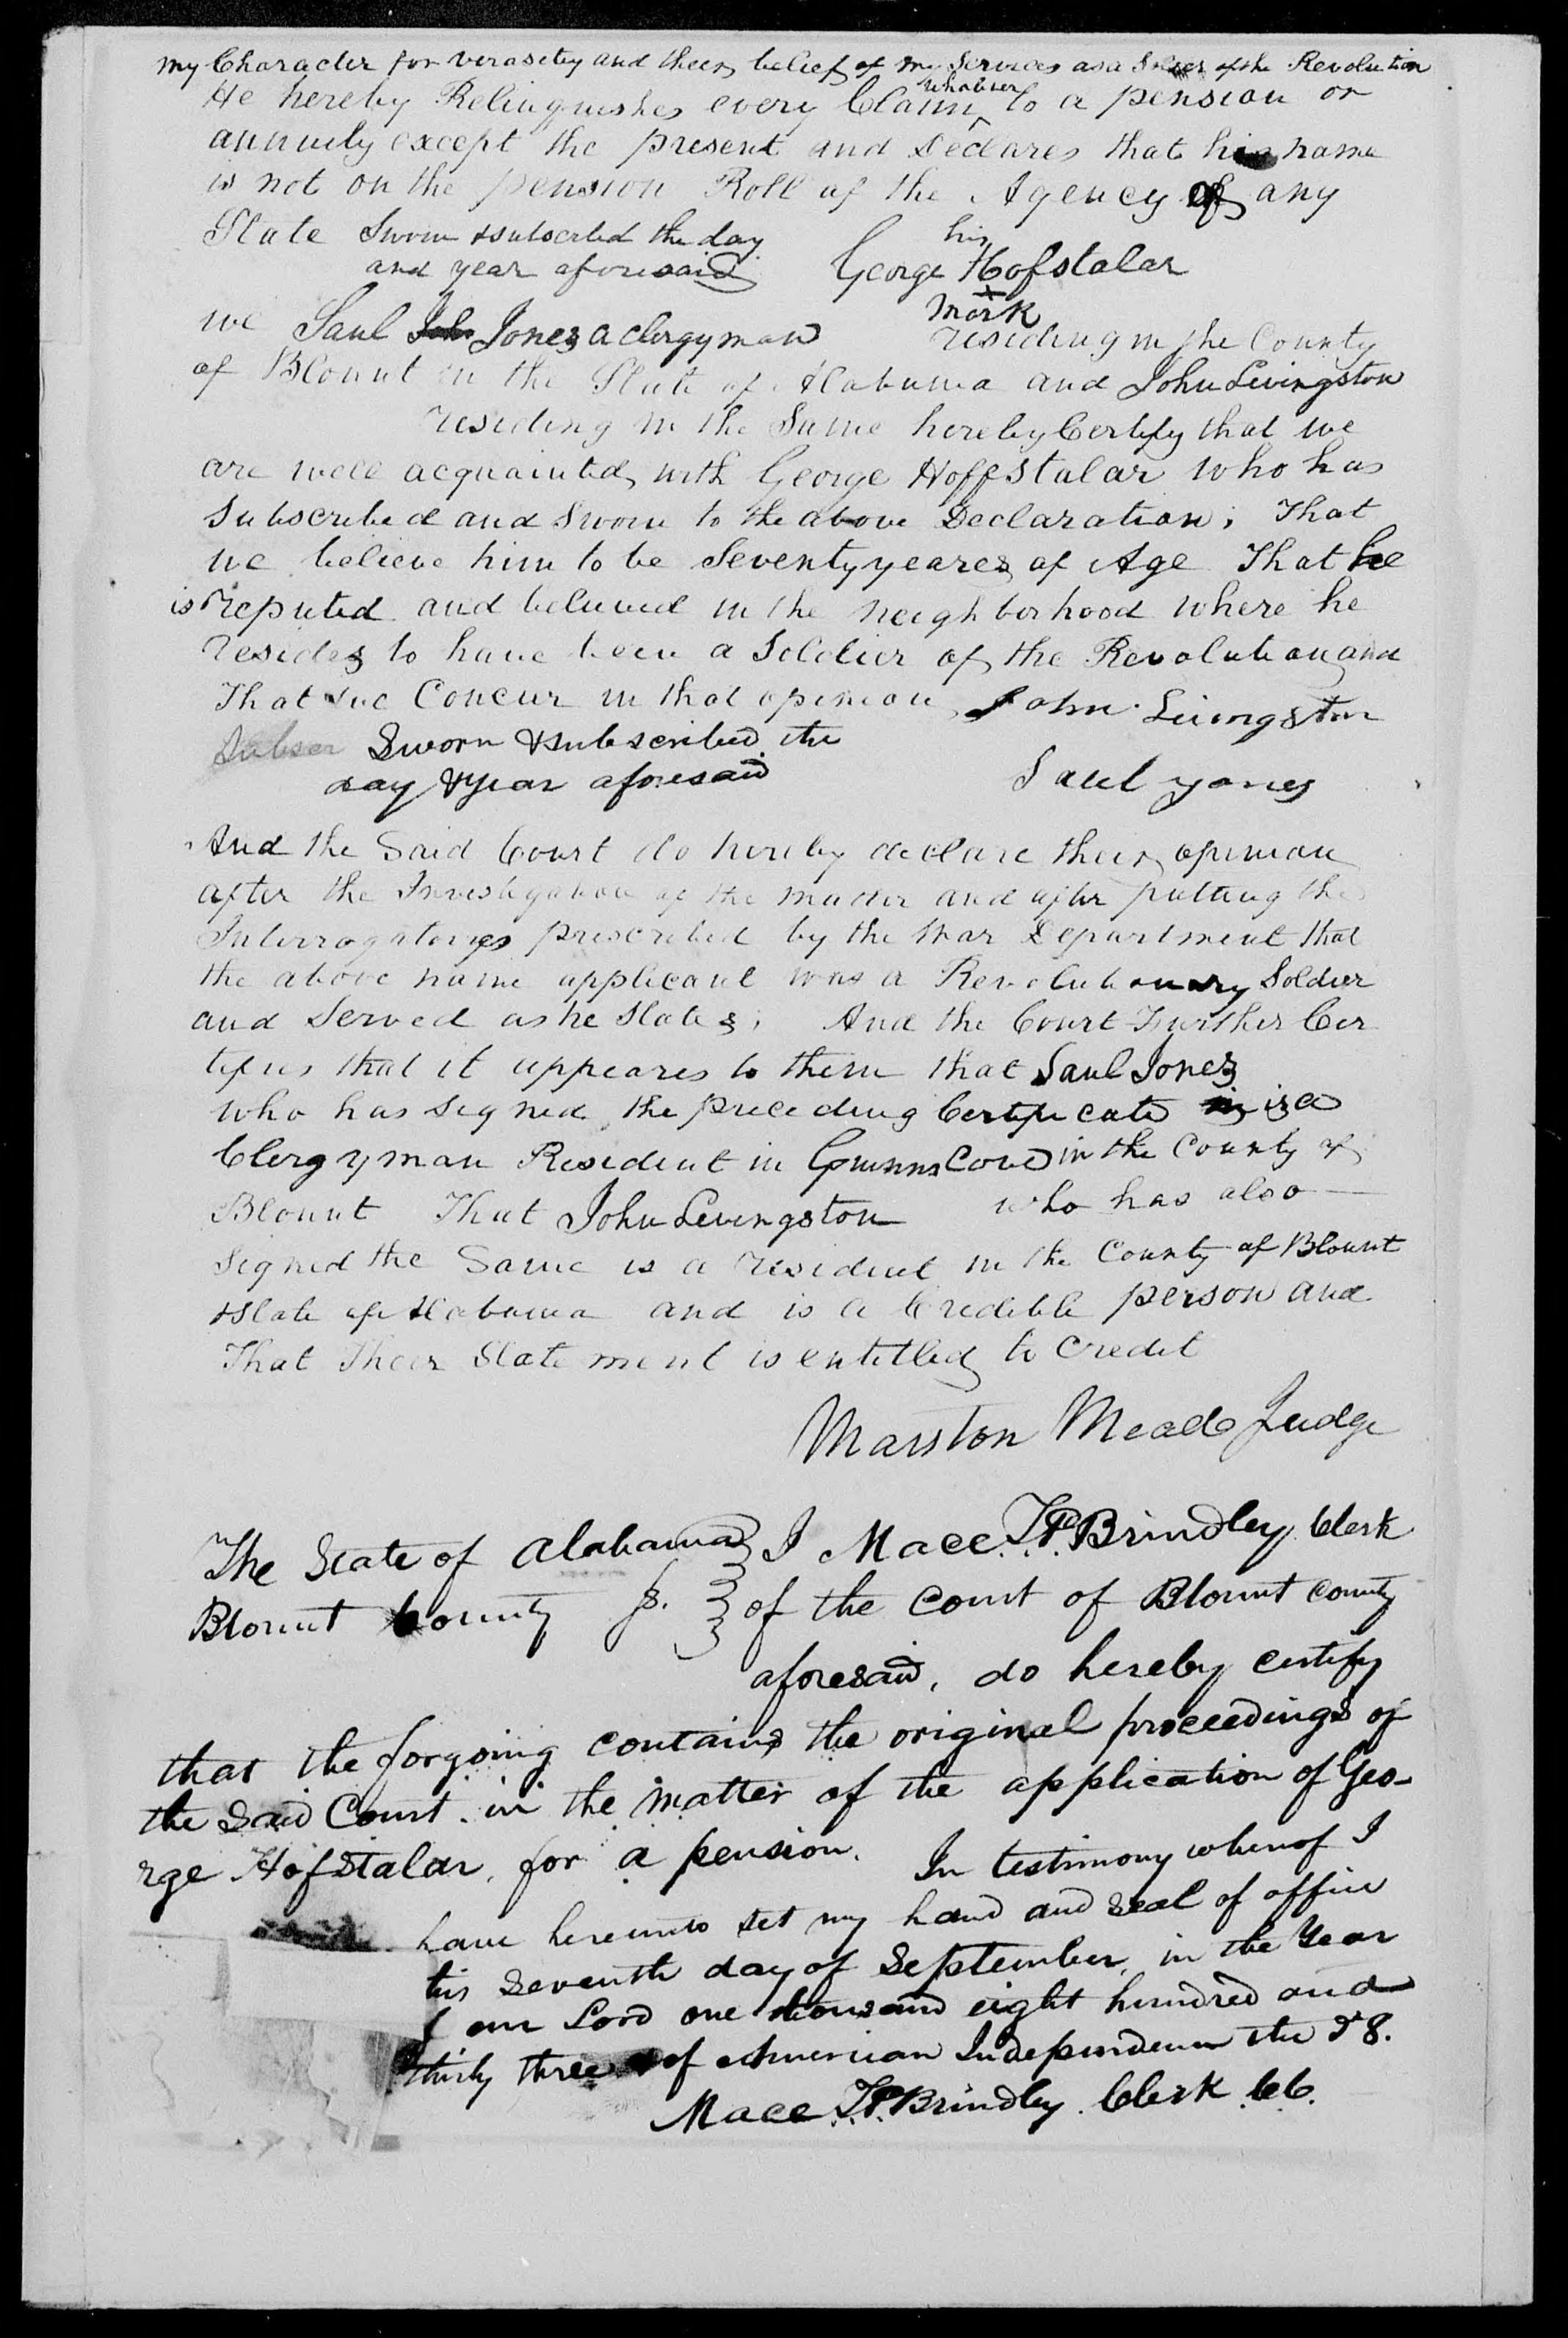my Character for verasity [veracity] and their belief of my services as a solder of the Revolution He hereby relinquishes every claim whatever to a pension or annuity except the present and declares that his name is not on the pension Roll of the Agency of any
State Sworn & subscribed the day and year aforesaid George Hofstalar x his mark
we Saul Jones a Clergyman residing
in the County of Blount in the State of Alabama and John Livingston residing in the same hereby certify that we are well acquainted with George Hoffstalar who has Subscribed and sworn to the above Declaration; That
we believe him to be Seventy years of age. That he is reputed and believed in the neighborhood where he resides to have been a soldier of the Revolution and That we concur in that opinion John Livingston
Sworn & subscribed the
day & year aforesaid
Saul Jones
And the said Court do hereby declare their opinion after the Investigation of the matter and after putting the Interrogatories prescribed by the War Department that the
above name applicant was a Revolutionary Soldier and served as he states; And the Court further Certifies that it appears to them that Saul Jones who has signed the preceding certificate is Clergyman Resident in Guinns Cove in the County of Blount That John Levingston who has also Signed the same is a resident in the County of Blount State of Alabama and is a credible person and
that their statement is entitled to credit
Marston Mead Judge
The State of Alabama Blount County }  I Mace T. P. Brindley Clerk of the Court of Blount County aforesaid, do hereby certify that the forgoing contains the original proceedings of
the said Court in the matter of the application of George Hofstalar for a pension.
In testimony whereof I have hereunto set my hand and seal of office this Seventh day of September, in the Year our Lord one thousand eight hundred and thirty three of American Independence the 58
Mace H. Brindley Clerk. C.C.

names: Saul Jones, Saul Jones, John Levingston, John Levingston, George Hoffstalar, George Hofstalar, George Hofstalar, Mace T P Brindley, Marston Mead, John Levingston, Saul Jones, Mace T P Brindley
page: 13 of 18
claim: survivor's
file: S. 15176, George Hofstalar, N.C.